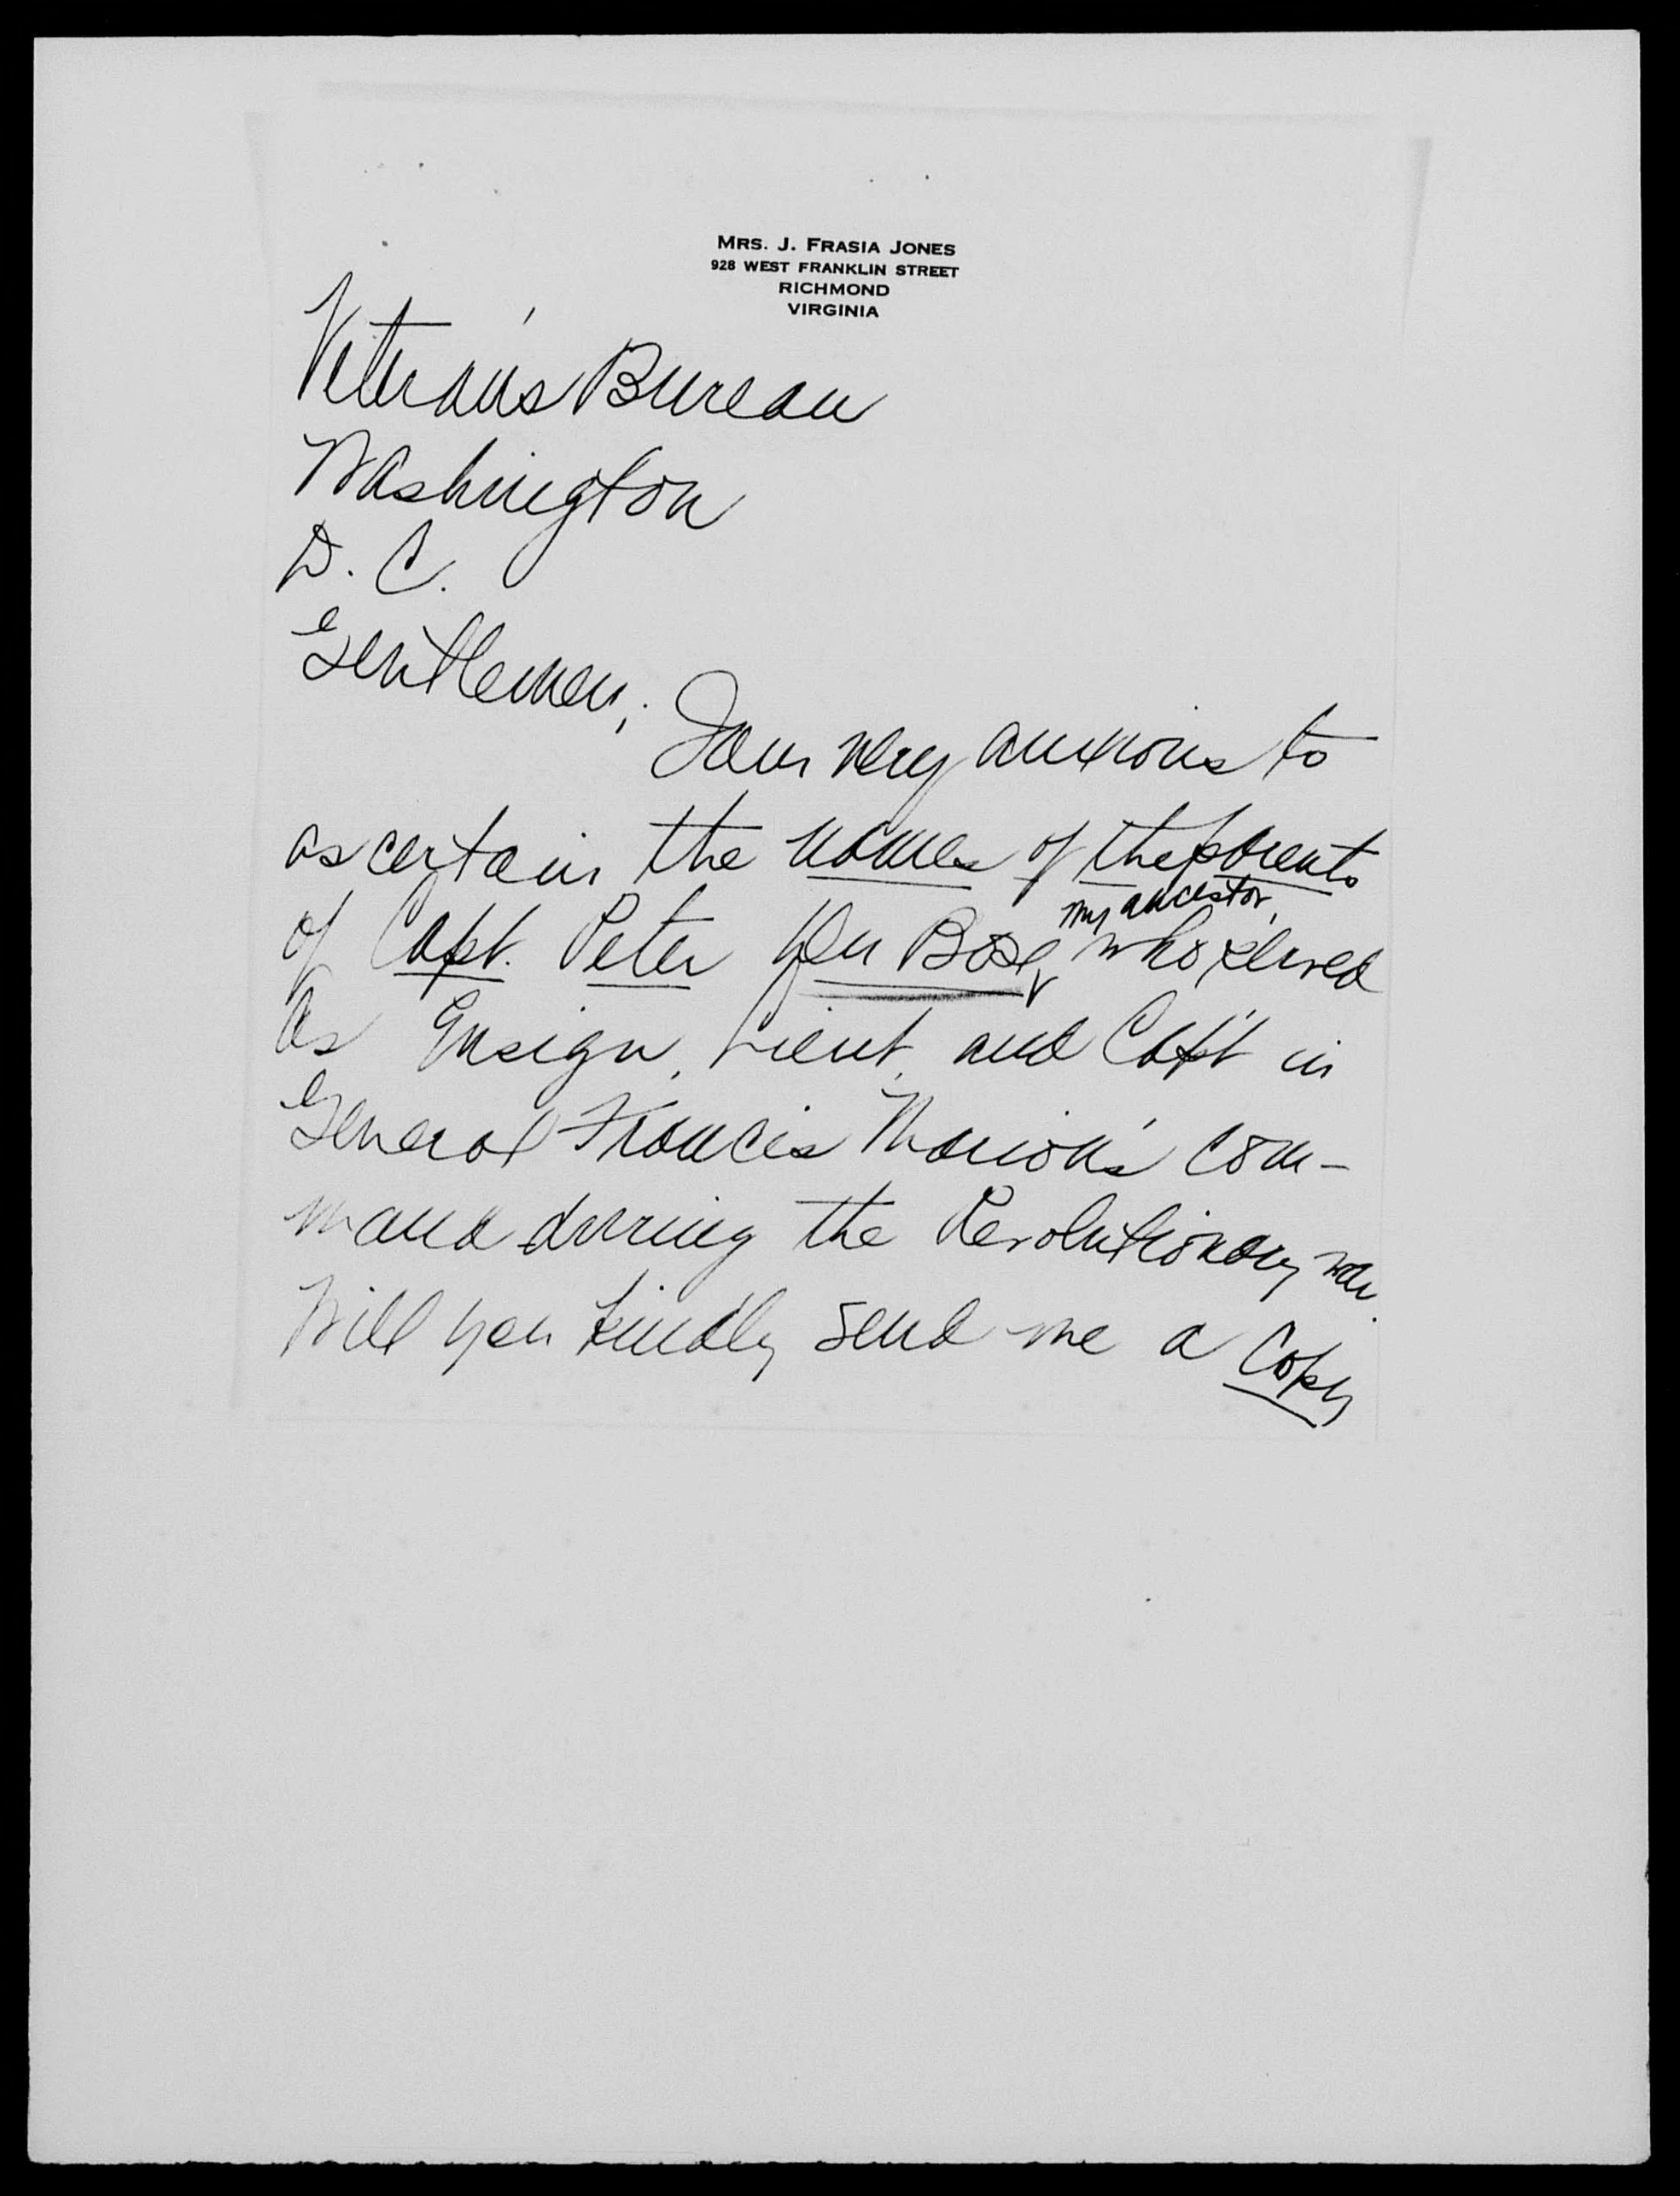MRS. J. FRASIA JONES 928 WEST FRANKLIN STREET RICHMOND VIRGINIA  Veteran's Bureau Washington  D.C. Gentlemen , I am very anxious to ascertain the  names of the parents of Capt. Peter Dubose , my ancestor  who served as Ensign ,Lieut, and Capt. in   General Francis Marion's command during the Revolutionary war. Will you kindly send me a copy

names: Francis Marion, J Frasia Jones, Peter Du Bose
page: 34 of 43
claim: survivor's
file: S. 21163, Peter Dubose, S.C.